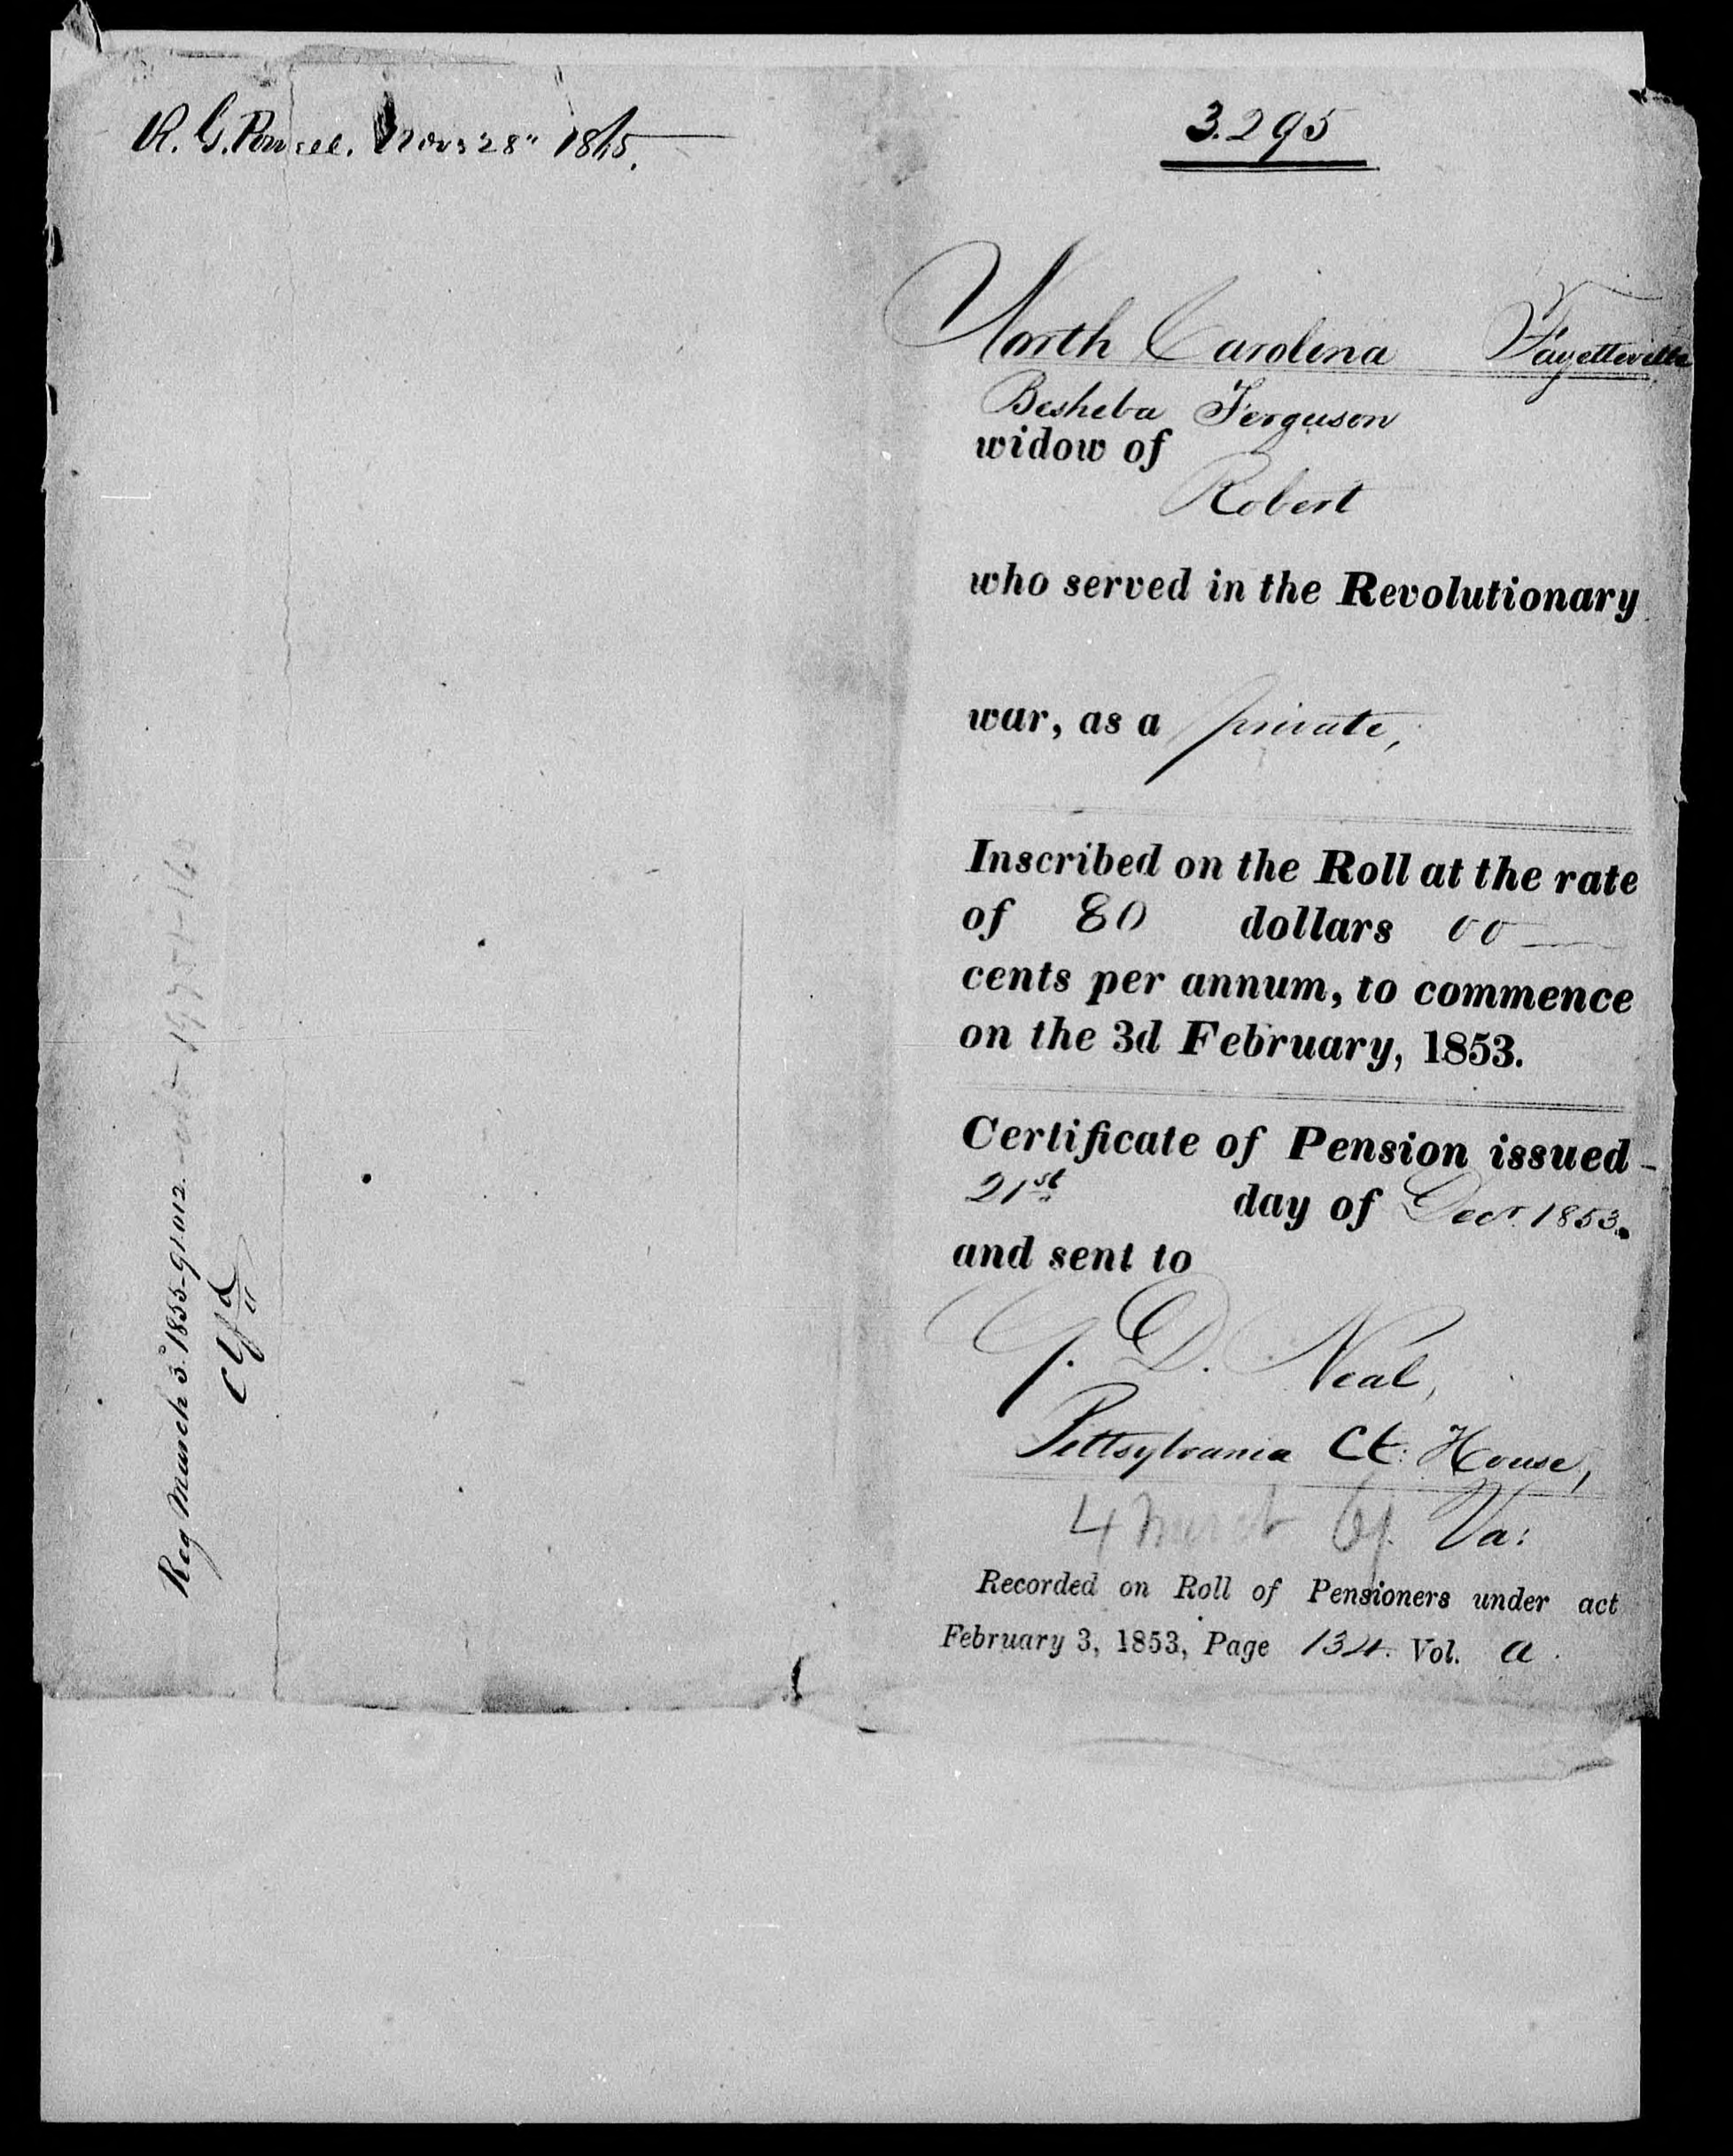R. C. Powell fors 28"18/15
3.295
North Carolina Fayetteville
Besheba Ferguson
widow of Robert
who served in the Revolutionary war, as  a private,
Inscribed on the Roll at the rate of 80 dollars 00 cents per annum, to commence on the 3d February, 1853.
________
Certificate of Pension issued 21st day of Dec. 1853
and sent to G. D. Neal
Pittsylvania Ct House,
4 March [illegible] Va:
Recorded on roll of Pensioners under act February 3, 1853, Page 134. Vol. A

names: Besheba Ferguson, R G Powell, Robert Ferguson, G D Neal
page: 27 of 81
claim: widow's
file: W. 7262, Robert Ferguson, Va.